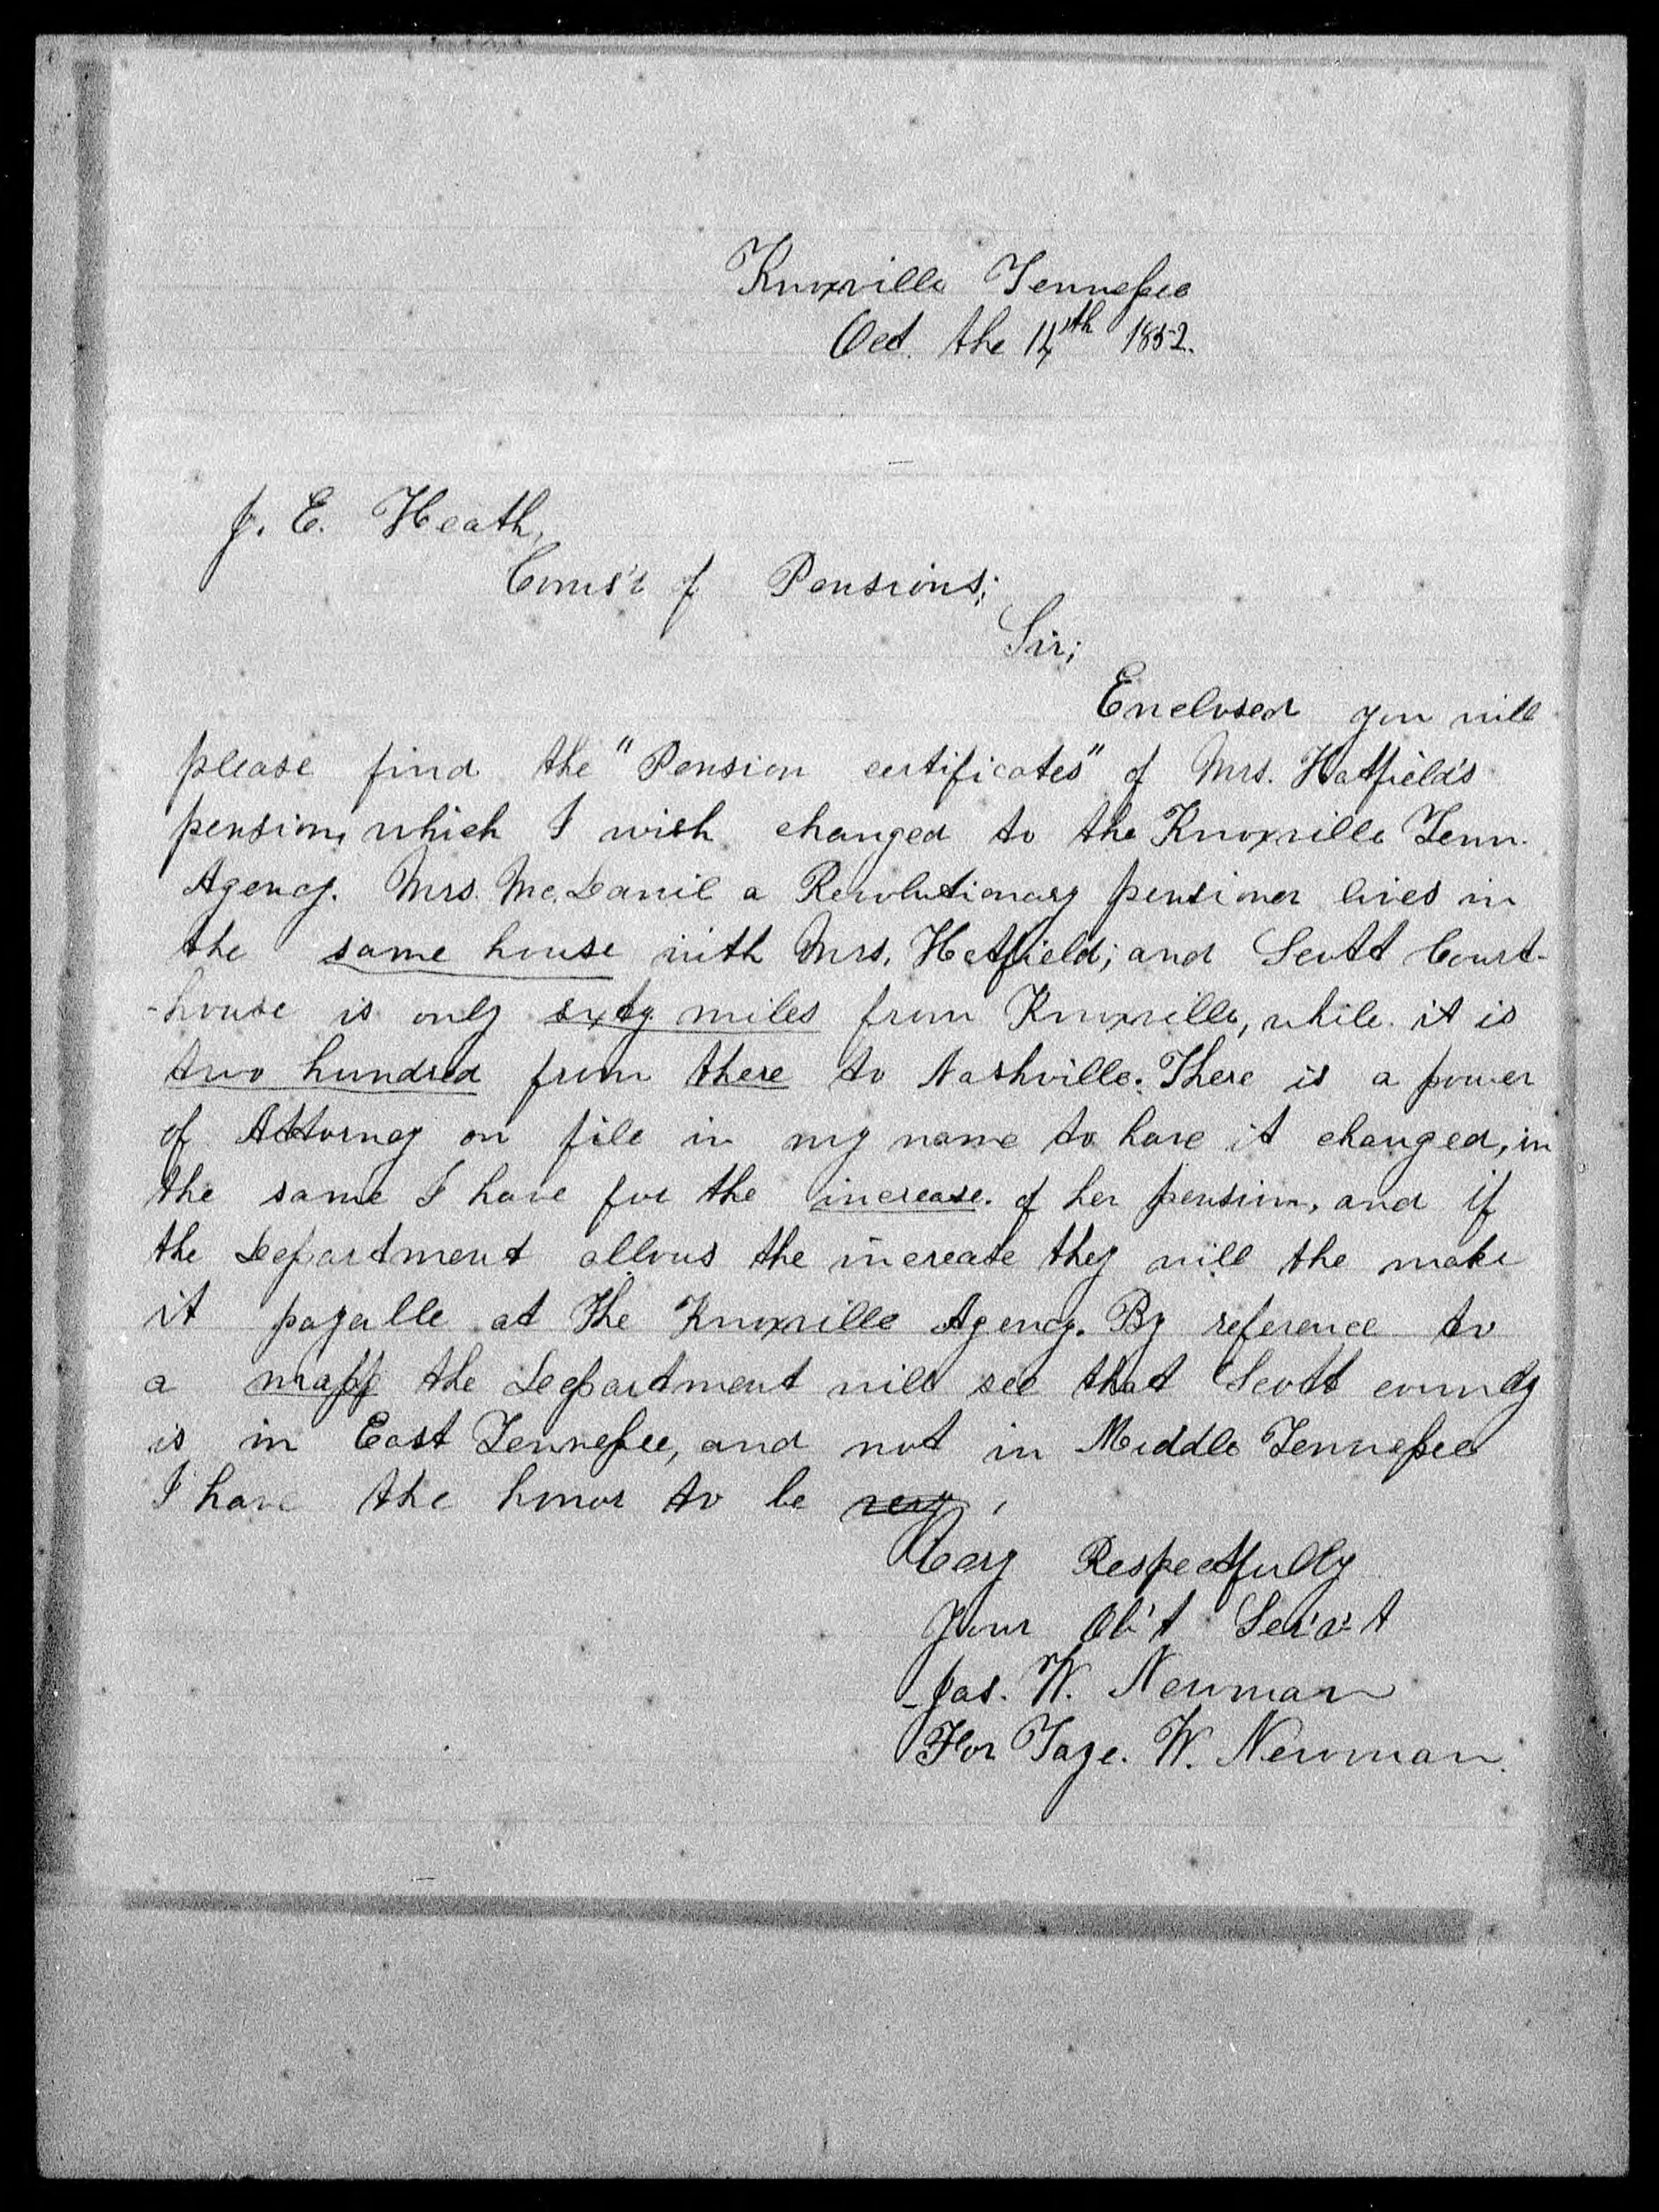Knoxville Tennessee
Oct the 14th 1852.

J. E. Heath,
Coms'r of Pensions;
Sir;
Enclose you will
please find the "Pension certificates" of Mrs. Hatfield's pension which I wish changed to the Knoxville Tenn. Agency. Mrs. McDaniel a Revolutionary pensioner lived in the same house with Mrs. Hatfield; and Scott Courthouse is only sixty miles from Knoxville, while it is two hundred from there to Nashville; There is a power of Attorney on file in my name to have it changed, in the same I have for the increase. of her pension, and if the Department allows the increase they will the make it payable, at the Knoxville Agency. By reference to a mapp the Department will see that Scott county is in East Tennessee, and not in Middle Tennessee
I have the honor to be
Very Respectfully
Your Ob't Ser'vt
Jas. W. Newman
For Taze. W. Newman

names: Mc Danil, Jas W Newman, Hatfield, Taze W Newman, J E Heath, Hatfield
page: 72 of 74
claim: widow's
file: W. 5, Joseph Hatfield, Va.